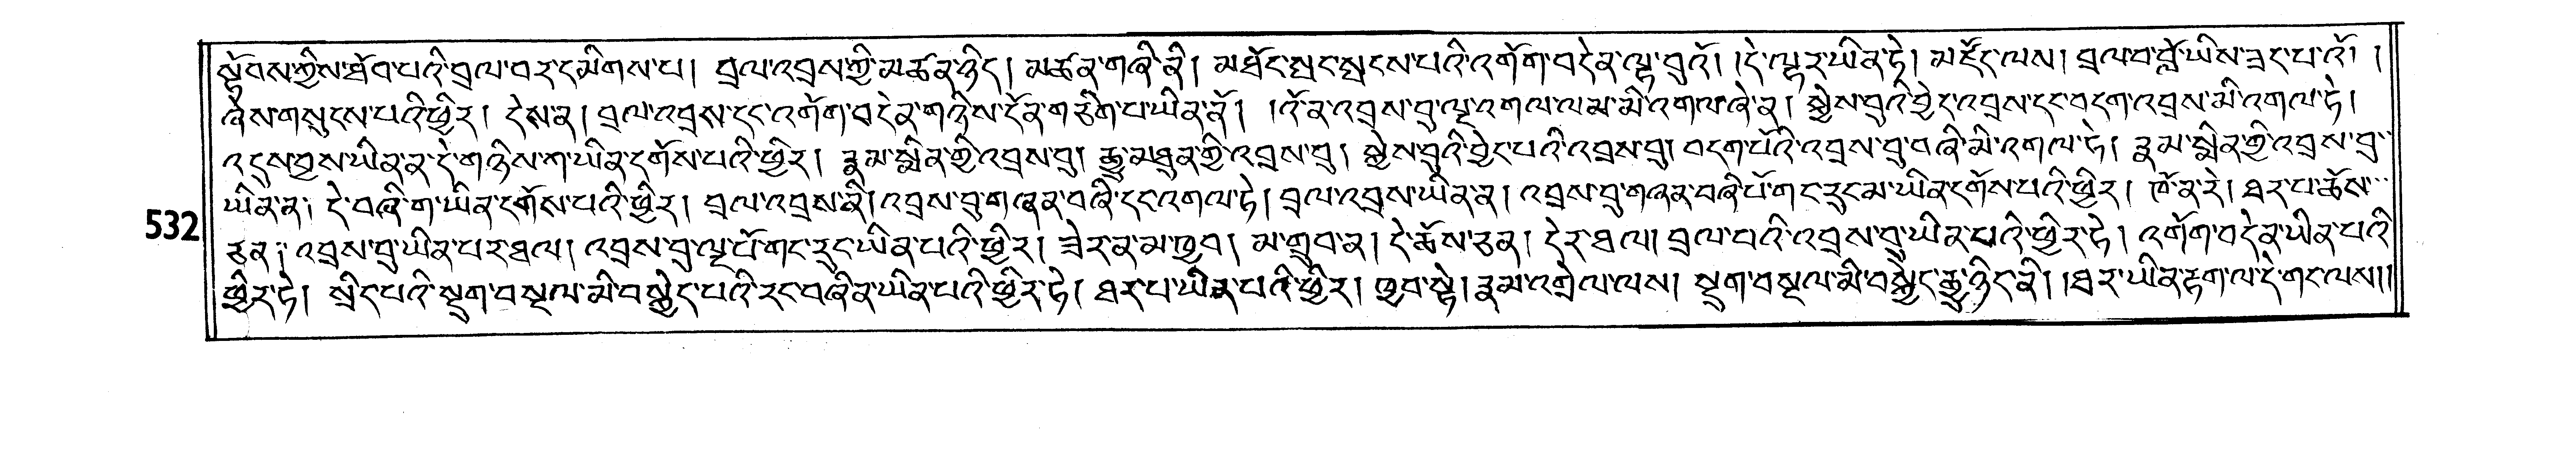སྟོབས་ཀྱིས་ཐོབ་པའི་བྲལ་བར་དམིགས་པ། བྲལ་འབྲས་ཀྱི་མཚན་ཉིད། མཚན་གཞི་ནི། མཐོང་སྤང་སྤངས་པའི་འགོག་བདེན་ལྟ་བུའོ། །དེ་ལྟར་ཡིན་ཏེ། མཛོད་ལས། བྲལ་བ་བློ་ཡིས་ཟད་པ་འོ། །
ཞེས་གསུངས་པའི་ཕྱིར། དེས་ན། བྲལ་འབྲས་དང་འགོག་བདེན་གཉིས་དོན་གཅིག་པ་ཡིན་ནོ། །འོ་ན་འབྲས་བུ་ལྔ་འགལ་ལམ་མི་འགལ་ཞེ་ན། སྐྱེས་བུའི་བྱེད་འབྲས་དང་བདག་འབྲས་མི་འགལ་ཏེ།
འདུས་བྱས་ཡིན་ན་དེ་གཉིས་ཀ་ཡིན་དགོས་པའི་ཕྱིར། རྣམ་སྨིན་གྱི་འབྲས་བུ། རྒྱུ་མཐུན་གྱི་འབྲས་བུ། སྐྱེས་བུའི་བྱེད་པའི་འབྲས་བུ། བདག་པོའི་འབྲས་བུ་བཞི་མི་འགལ་ཏེ། རྣམ་སྨིན་གྱི་འབྲས་བུ་
ཡིན་ན༑ དེ་བཞི་ག་ཡིན་དགོས་པའི་ཕྱིར། བྲལ་འབྲས་ནི། འབྲས་བུ་གཞན་བཞི་དང་འགལ་ཏེ། བྲལ་འབྲས་ཡིན་ན། འབྲས་བུ་གཞན་བཞི་པོ་གང་རུང་མ་ཡིན་དགོས་པའི་ཕྱིར། ཁོ་ན་རེ། ཐར་པ་ཆོས་
ཅན༑ འབྲས་བུ་ཡིན་པར་ཐལ། འབྲས་བུ་ལྔ་པོ་གང་རུང་ཡིན་པའི་ཕྱིར། ཟེར་ན་མ་ཁྱབ། མ་གྲུབ་ན། དེ་ཆོས་ཅན། དེར་ཐལ། བྲལ་བའི་འབྲས་བུ་ཡིན་པའི་ཕྱིར་ཏེ། འགོག་བདེན་ཡིན་པའི་
ཕྱིར་ཏེ། སྲིད་པའི་སྡུག་བསྔལ་མི་བསྐྱེད་པའི་རང་བཞིན་ཡིན་པའི་ཕྱིར་ཏེ། ཐར་པ་ཡིན་པའི་ཕྱིར། ཁྱབ་སྟེ། རྣམ་འགྲེལ་ལས། སྡུག་བསྔལ་མི་བསྐྱེད་རྒྱུ་ཉིད་ནི། །ཐར་ཡིན་རྟག་ལ་དེ་གང་ལས།།